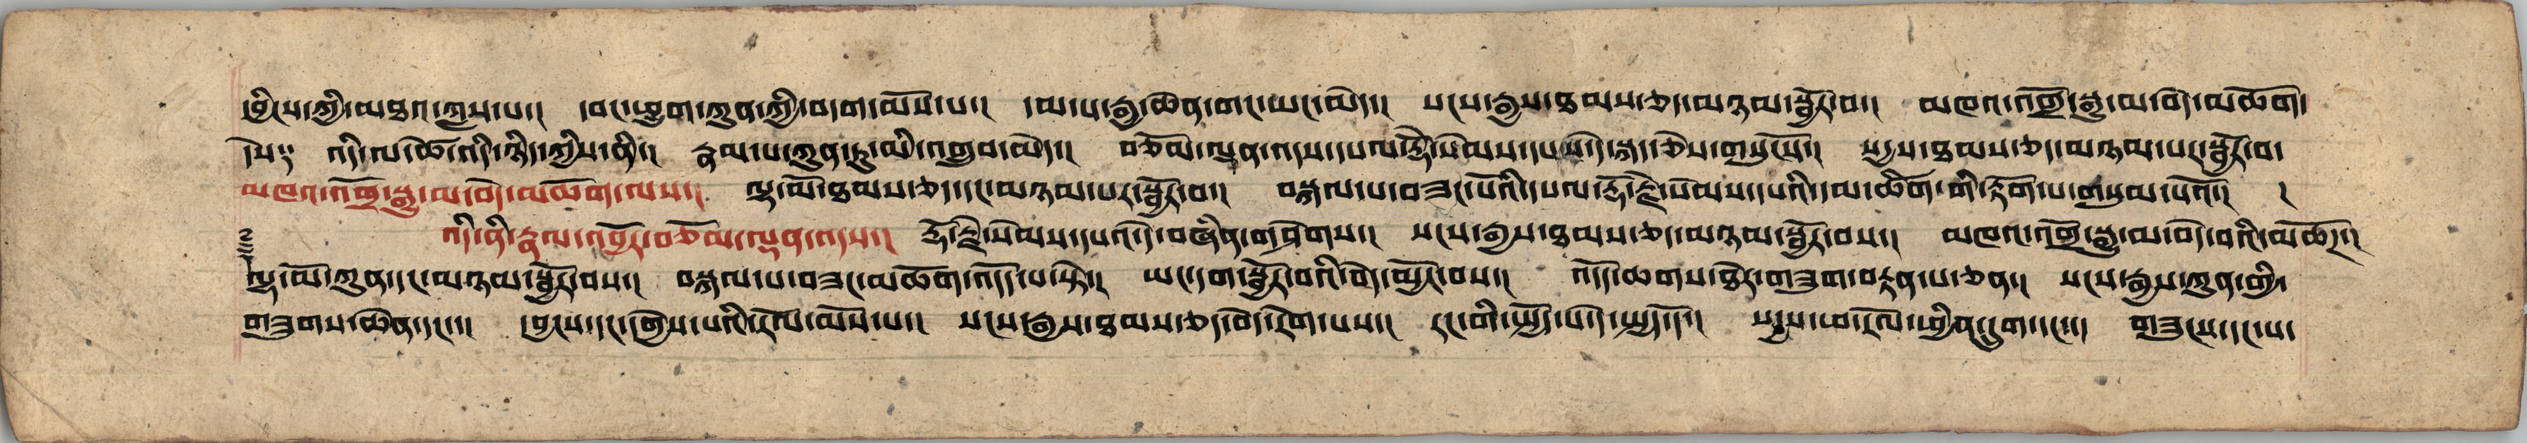དབྱིངས་ཀྱི་མཐའ་ཀླས་པ་། དབང་ཕྱུག་ཀུན་ཀྱི་བདག་མོས་པ་། དམ་པ་རྒྱ་ཆེན་གང་ཡང་མེད་། སངས་རྒྱས་ཐམས་ཅད་མཉམ་སྦྱོར་བ་།། མཁའ་འགྲོ་སྒྱུ་མ་བདེ་མཆོག་
དེས༑ འདི་ལ་ཚེ་འདི་ཉིད་ཀྱིས་ནི་། རྣམ་པ་ཀུན་ཏུ་མི་འགྲུབ་མེད་། བཅོམ་ལྡན་འདས་དཔལ་རྡོེ་སེམས་དཔས་དེ་སྐད་ཅེས་གསུངསོ་། སདྱས་ཐམས་ཅད་མཉམ་པར་སྦྱོར་བ་
མཁའ་འགྲོ་སྒྱུ་མ་བདེ་མཆོག་ལས་། ལྷ་མོ་ཐམས་ཅད་དང་མཉམ་པར་སྦྱོར་བ་། བསྐལ་པ་བཟང་པོའི་དཔལ་རྡོ་རྗེ་སེམས་དཔའི་དམ་ཚིག་གི་རྟོག་པ་གསུམ་པའོ་། །
࿑ འདི་ནི་རྣལ་འབྱོར་བཅོམ་ལྡན་འདས་། རྡོ་རྗེ་སེམས་དཔའ་དེ་བཞིན་གཤེགས་། སངས་རྒྱས་ཐམས་ཅད་མཉམ་སྦྱོར་བས་། མཁའ་འགྲོ་སྒྱུ་མ་བདེ་བའི་མཆོཌ་
ལྷ་མོ་ཀུན་དང་མཉམ་སྦྱོར་བས་། བསྐལ་པ་བཟང་མཆོག་འདོད་པ་སྟེ་། ཡང་དག་སྦྱོར་བའི་བདེ་མྱོང་བས་། འདོད་ཆགས་ཐེར་གཟུག་བརྟན་པ་ཅན་། སངས་རྒྱས་ཀུན་གྱི་
གཟུགས་ཆེན་དང་་། དབྱངས་དང་དགྱེས་པའི་རོལ་མོས་པ་། སངས་རྒྱས་ཐམས་ཅད་བདེ་རེག་པས་། རང་གི་སྤྱོད་པ་དེ་སྤྱད་དོ་། སདྱས་ཕ་རོལ་ཕྱིན་དྲུག་དང་་། གཟུངས་དང་ས་